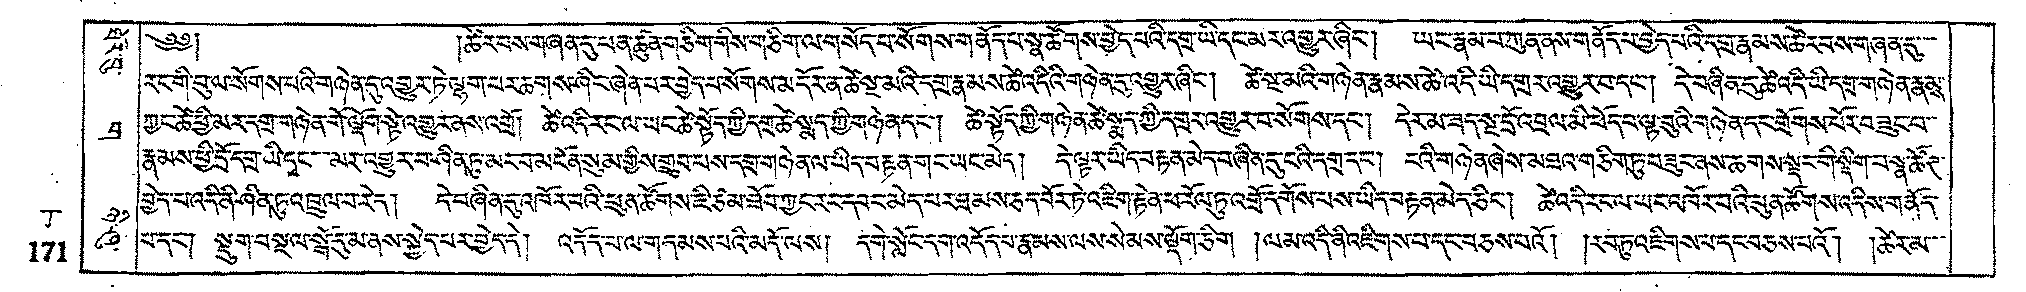༄༅། །ཚེ་རབས་གཞན་དུ་ཕན་ཚུན་གཅིག་གིས་གཅིག་ལ་གསོད་པ་སོགས་གནོད་པ་སྣ་ཚོགས་བྱེད་པའི་དགྲ་ཡི་དང་མར་འགྱུར་ཞིང་། ཡང་རྣམ་པ་ཀུན་ནས་གནོད་པ་བྱེད་པའི་དགྲ་རྣམས་ཚེ་རབས་གཞན་དུ་་་
རང་གི་བུ་ལ་སོགས་པའི་གཉེན་དུ་འགྱུར་ཏེ་ལྷག་པར་ཆགས་ཤིང་ཞེན་པར་བྱེད་པ་སོགས་མདོར་ན་ཚེ་སྔ་མའི་དགྲ་རྣམས་ཚེ་འདིའི་གཉེན་དུ་འགྱུར་ཞིང་། ཚེ་སྔ་མའི་གཉེན་རྣམས་ཚེ་འདི་ཡི་དགྲར་འགྱུར་བ་དང་། དེ་བཞིན་དུ་ཚེ་འདི་ཡི་དགྲ་གཉེན་རྣམས་
ཀྱང་ཚེ་ཕྱི་མར་དགྲ་གཉེན་གོ་ལྡོག་སྟེ་འགྱུར་ནས་འགྲོ། ཚེ་འདི་རང་ལ་ཡང་ཚེ་སྟོད་ཀྱི་དགྲ་ཚེ་སྨད་ཀྱི་གཉེན་དང་། ཚེ་སྟོད་ཀྱི་གཉེན་ཚེ་སྨད་ཀྱི་དགྲར་འགྱུར་བ་སོགས་དང་། དེར་མ་ཟད་སྔ་དྲོ་འབྲལ་མི་ཕོད་པ་ལྟ་བུའི་གཉེན་དང་གྲོགས་པོར་བཟུང་བ་་་
རྣམས་ཕྱི་དྲོ་དགྲ་ཡི་དྭང་་་མར་འགྱུར་བ་ཤིན་ཏུ་མང་བ་མངོན་སུམ་གྱིས་གྲུབ་པས་དགྲ་གཉེན་ལ་ཡིད་བརྟན་གང་ཡང་མེད། དེ་ལྟར་ཡིད་བརྟན་མེད་བཞིན་དུ་ངའི་དགྲ་དང་། ངའི་གཉེན་ཞེས་མཐའ་གཅིག་ཏུ་བཟུང་ནས་ཆགས་སྡང་གི་སྡིག་པ་སྣ་ཚོཌ་
བྱེད་པ་འདི་ནི་ཤིན་ཏུ་འཁྲུལ་བ་རེད། དེ་བཞིན་དུ་འཁོར་བའི་ཕུན་ཚོགས་ཇི་ཙམ་ཐོབ་ཀྱང་རང་དབང་མེད་པར་ཐམས་ཅད་བོར་ཏེ་འཇིག་རྟེན་ཕ་རོལ་ཏུ་འགྲོ་དགོས་པས་ཡིད་བརྟན་མེད་ཅིང་། ཚེ་འདི་དང་ལ་ཡང་འཁོར་བའི་ཕུན་ཚོག་འདིས་གནོད་
པ་དང་། སྡུག་བསྔལ་སྒོ་དུ་མ་ནས་སྐྱེད་པར་བྱེད་དེ། འདོད་པ་ལ་གདམས་པའི་མདོ་ལས། དགེ་སློང་དག་འདོད་པ་རྣམས་ལས་སེམས་ལྡོག་ཅིག །ལམ་འདི་ནི་འཇིགས་པ་དང་བཅས་པའོ། རབ་ཏུ་འཇིགས་པ་དང་བཅས་པའོ། །ཚེར་མ་་་